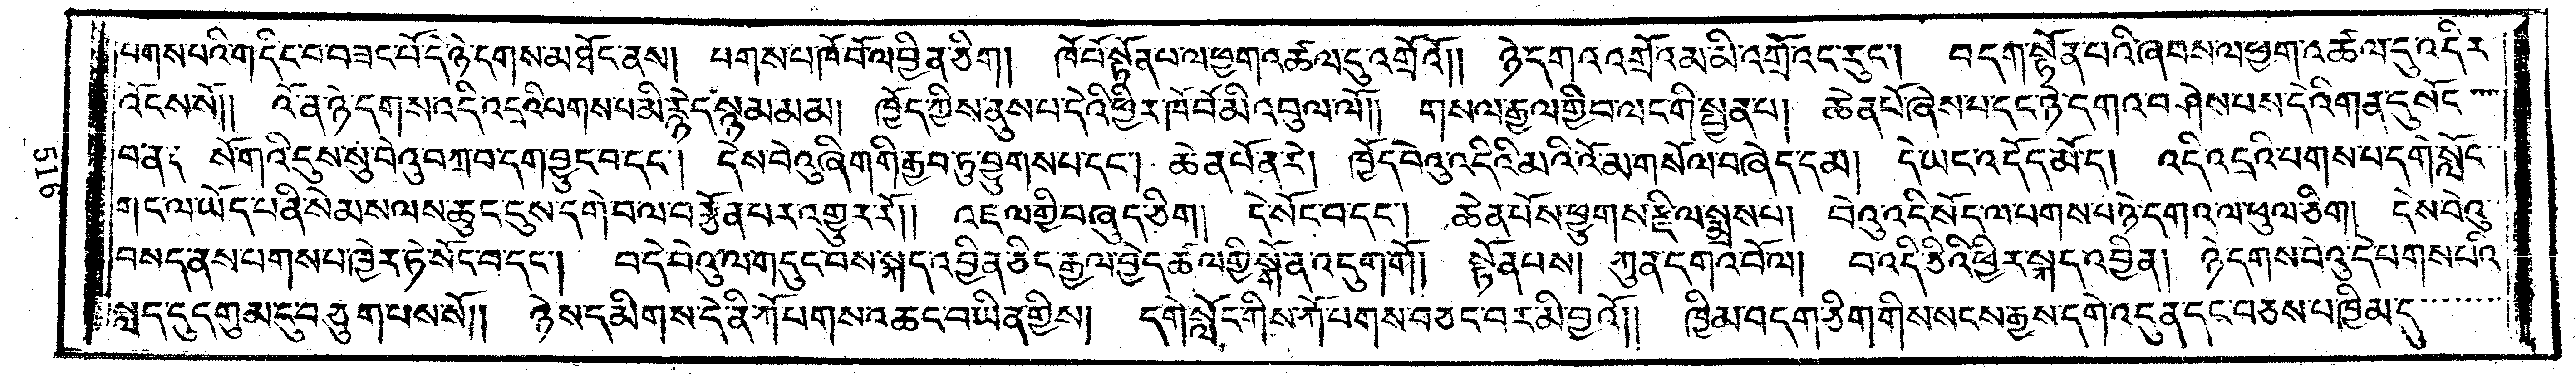པགས་པའི་གདིང་བ་བཟང་པོ་དེ་ཉེ་དགས་མཐོང་ནས། པགས་པ་ཁོ་བོ་ལ་བྱིན་ཅིག། ཁོ་བོ་སྟོན་པ་ལ་ཕྱག་འཚལ་དུ་འགྲོའོ།། ཉེ་དགའ་འགྲོ་འམ་མི་འགྲོའང་རུང་། བདག་སྟོན་པའི་ཞབས་ལ་ཕྱག་འཚལ་དུ་འདིར་
འོངས་སོ།། འོ་ན་ཉེ་དགས་འདི་འདྲའི་པགས་པ་མི་རྙེད་སྙམ་མམ། ཁྱོད་ཀྱིས་ནུས་པ་དེའི་ཕྱིར་ཁོ་བོ་མི་འབུལ་ལོ།། གསལ་རྒྱལ་གྱི་བ་ལང་གི་སྤྱན་པ། ཆེན་པོ་ཞེས་པ་དང་ཉེ་དགའ་བཤེས་པས་དེའི་གན་དུ་སོང་
པ་ན༑ སོ་གའི་དུས་སུ་བེའུ་བཀྲ་བ་དག་བྱུང་བ་དང་། དེས་བེའུ་ཞིག་གི་རྒྱབ་ཏུ་བྱུགས་པ་དང་། ཆེན་པོ་ན་རེ། ཁྱོད་བེའུ་འདིའི་མའི་འོ་མ་གསོལ་བཞེད་དམ། དེ་ཡང་འདོད་མོད། འདི་འདྲའི་པགས་པ་དགེ་སློང་
གང་ལ་ཡོད་པ་ནི་སེམས་ལས་ཆུང་དུས་དགེ་བ་ལ་བརྩོན་པར་འགྱུར་རོ།། འཇལ་གྱི་བཞུད་ཅིག། དེ་སོང་བ་དང་། ཆེན་པོས་ཕྱུགས་རྫི་ལ་སྨྲས་པ། བེའུ་འདི་སོད་ལ་པགས་པ་ཉེ་དགའ་ལ་ཕུལ་ཅིག། དེས་བེའུ་
བསད་ནས་པགས་པ་ཁྱེར་ཏེ་སོང་བ་དང་། བདེ་བེའུ་ལ་གདུང་བས་སྐད་འབྱིན་ཅིང་རྒྱལ་བྱེད་ཚལ་གྱི་སྒོ་ན་འདུག་གོ། སྟོན་པས། ཀུན་དགའ་བོ་ལ། བ་འདི་ཅིའི་ཕྱིར་སྐད་འབྱིན། ཉེ་དགས་བེའུ་དེ་པགས་པའི་
སླད་དུ་དགུམ་དུ་བཅུག་པས་སོ།། ཉེས་དམིགས་དེ་ནི་ཀོ་པགས་འཆང་བ་ཡིན་གྱིས། དགེ་སློང་གིས་ཀོ་པགས་བཅང་བར་མི་བྱའོ།། ཁྱིམ་བདག་ཅིག་གིས་སངས་རྒྱས་དགེ་འདུན་དང་བཅས་པ་ཁྱིམ་དུ་